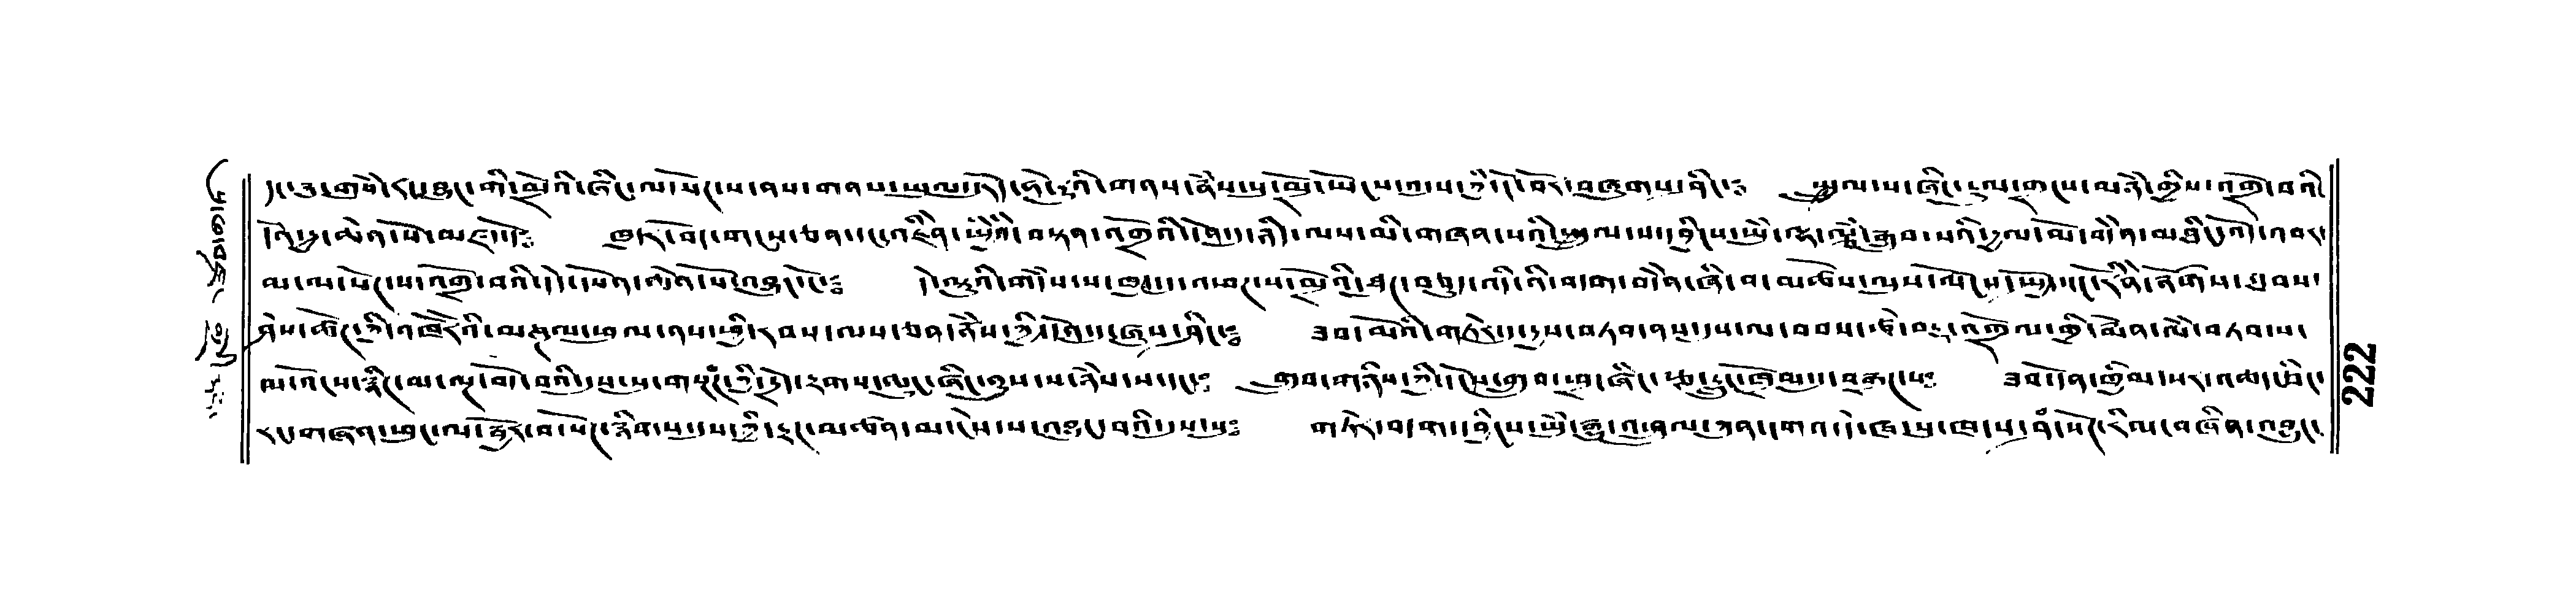དང་སྐུ་གསུམ་རང་བྱུང་གི་མཁའ་འགྲོའི་ཞིང་ལ་སོགས་པ་ནས་གནས་ཡུལ་དུར་ཁྲོད་ཧེ་རུའི་གནས་རྣམས་སུ་མཁའ་འགྲོ་ཡོངས་འདུས་ཀྱི་ངོ་བོར་བཞུགས་ཤིང༔ སྤྲུལ་པ་ཞིང་རྡུལ་གྲངས་མཉམ་གྱིས་འགྲོ་བའི་
དོན་རྒྱ་ཆེན་པོ་མཛད་དོ༔ ཁྱད་པར་བོད་གངས་ཅན་དང་འཇིག་རྟེན་སྤྱིའི་བསྟན་འགྲོའི་དོན་དུ་ཉིད་ལས་མི་གཞན་པའི་སྤྲུལ་པ་དབྱིངས་ཡུམ་ལྷ་ལྕམ་སྒྲུབ་པའི་རྒྱལ་མོ་བདེ་ཆེན་མཐིང་འོད་འབར་
མ་ལ་སོགས་པ་འགྲོ་བའི་དེད་དཔོན་ཆེན་པོ་འབྱུང་ངོ༔ དེ་ལྟ་བུའི་གདམས་པ་ཁྱད་དུ་འཕགས་པ་མཁའ་འགྲོའི་ཐུགས་བཅུད་འདི་ནི་བདག་བདེ་ཆེན་ཞི་བ་མཚོས་ལུས་ལོངས་སྤྱོད་དང་རིན་པོ་ཆེ་སྣ་ཚོགས་ཐབས་
ཤེས་ཚོགས་ཀྱི་འཁོར་ལོའི་མཎྜལ་ཕུལ་ནད་ཕྱི་རབས་ལས་ཅན་རྣམས་ཀྱི་དོན་དུ་ཞུས་ཤིང༔ཟབ་མོའི་གཏེར་དུ་རྒྱས་བཏབ་ནས་དུས་ལ་བབས་ཚེ་བརྡ་འགྲོལ་གྱི་སྨོན་ལམ་བཏབ་པ་
མ་འོངས་སྙིགས་མ་ལྔ་བདོ་བའི་དུས་སུ་གསང་སྔགས་ཀྱི་དྲོད་རྟགས་ཆུང་ཞིང་ནུས་པ་ཉམས་པ་དང༔ གྲུབ་གཉིས་ཀྱི་དངོས་གྲུབ་ཕྲ་ཞིང་རྩ་རླུང་ཁྲོམ་དུ་བསྒྲགས་པ༔ ཟབ་དོན་ཁྱིམ་པར་འཆད་ཅིང་
རང་གཞན་ཕུང་ལ་སྦྱོར་བ་སོགས་སྙིགས་དུས་ཀྱི་རྟགས་མཚན་མ་ངེས་པ་འབྱུང་བའི་དུས་སུ༔ གཏེར་བདག་དབྱིངས་ཡུམ་སྒྱུ་འཕྲུལ་ཀུན་དགའ་དེ་ཝ་སུ་ཁ་པ་ཤཾ་སོགས་རིམ་བཞིན་འབྱུང་